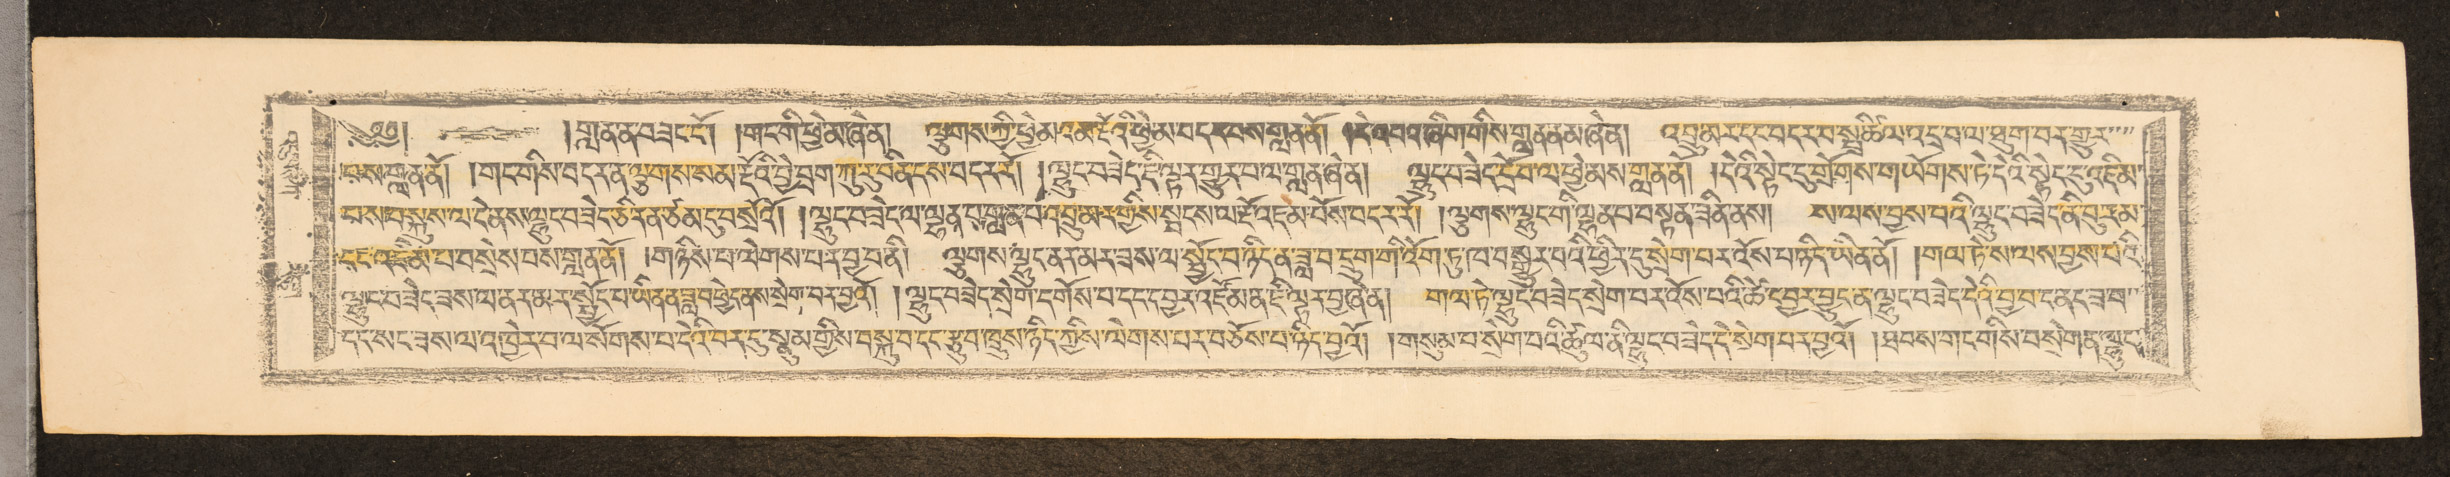༄༅། །གླན་ན་བཟང་ངོ། །གང་གི་ཕྱེ་མ་ཞེ་ན། ལྕགས་ཀྱི་ཕྱོ་མའམ་རྡོའི་ཕྱེ་མ་བདར་བས་གླན་ནོ། །དེ་འབའ་ཞིག་གིས་གླན་ནམ་ཞེ་ན། འབྲུ་མར་དང་བདར་བ་སྦྲ་ཚིལ་འདྲ་བ་ལ་ཐུག་པར་གྱུར་
པས་གླན་ནོ། །གང་གིས་བདར་ན་ལྕགས་སམ་རྡོའི་བྱེ་བྲག་ཀུ་རུ་བིན་དས་བདར་རོ། །ལྷུང་བཟེད་ཇི་ལྟར་གྱུར་པ་ལ་གླན་ཞེ་ན། ལྷུང་བཟེད་དྲོ་བ་ལ་ཕྱེ་མས་གླན་ནོ། །དེའི་སྟེང་དུ་གྲོགས་གཡོགས་ཏེ་དེའི་སྟེང་དུ་འཇིམ་
པས་བསྐུས་ལ་དེ་ནས་ལྷུང་བཟེད་ཅི་རན་ཙམ་དུ་བསྲོའོ། །ལྷུང་བཟེད་ལ་ལྷན་པ་གླན་པ་འབྲུ་མར་གྱིས་སྦངས་ལ་རྡོ་འཇམ་པོས་བདར་རོ། །ལྕགས་ལྷུང་གི་ལྷན་བ་བསྟན་ཟིན་ནས། ས་ལས་བྱས་པའི་ལྷུང་བཟེད་ནི་བུ་རམ་
དང་འཇིམ་པ་བསྲེས་བས་གླན་ནོ། །གཉིས་པ་ལེགས་པར་བྱ་བ་ནི། ལྕགས་ལྷུང་ནར་མར་ཟས་ལ་སྤྱོད་པ་ཉིད་ན་ཟླ་བ་དྲུག་གི་འོག་ཏུ་ཁ་བསྒྱུར་བའི་ཕྱིར་དུ་སྲེག་པར་འོས་པ་ཉིད་ཡིན་ནོ། །གལ་ཏེ་ས་ལས་བྱས་པའི་
ལྷུང་བཟེད་ཟས་ལ་ནར་མར་སྤྱོད་པ་ཡིན་ན་ཟླ་བ་ཕྱེད་ནས་སྲེག་བར་བྱའོ། །ལྷུང་བཟེད་སྲེག་དགོས་པ་དང་དབྱར་འཛོམ་ན་ཇི་ལྟར་བྱ་ཞེ་ན། གལ་ཏེ་ལྷུང་བཟེད་སྲེག་པར་འོས་པའི་ཚེ་དབྱར་བྱུང་ན་ལྷུང་བཟེད་དེའི་བྱ་བ་ད་ནང་ཟ་བ་
དང་སང་ཟས་ལ་འཁྱེར་བ་ལ་སོགས་པ་དེའི་བར་དུ་སྣུམ་གྱིས་བསྐུབ་དང་རྩུབ་ཁྲུས་ཉིད་ཀྱིས་ལེགས་པར་བཅོས་པ་ཉིད་བྱའོ། །གསུམ་པ་སྲེག་བའི་ཚུལ་ནི་ལྷུང་བཟེད་དེ་སྲེག་པར་བྱའོ། །ཐབས་གང་གིས་བསྲེག་ན་ལྷུང་